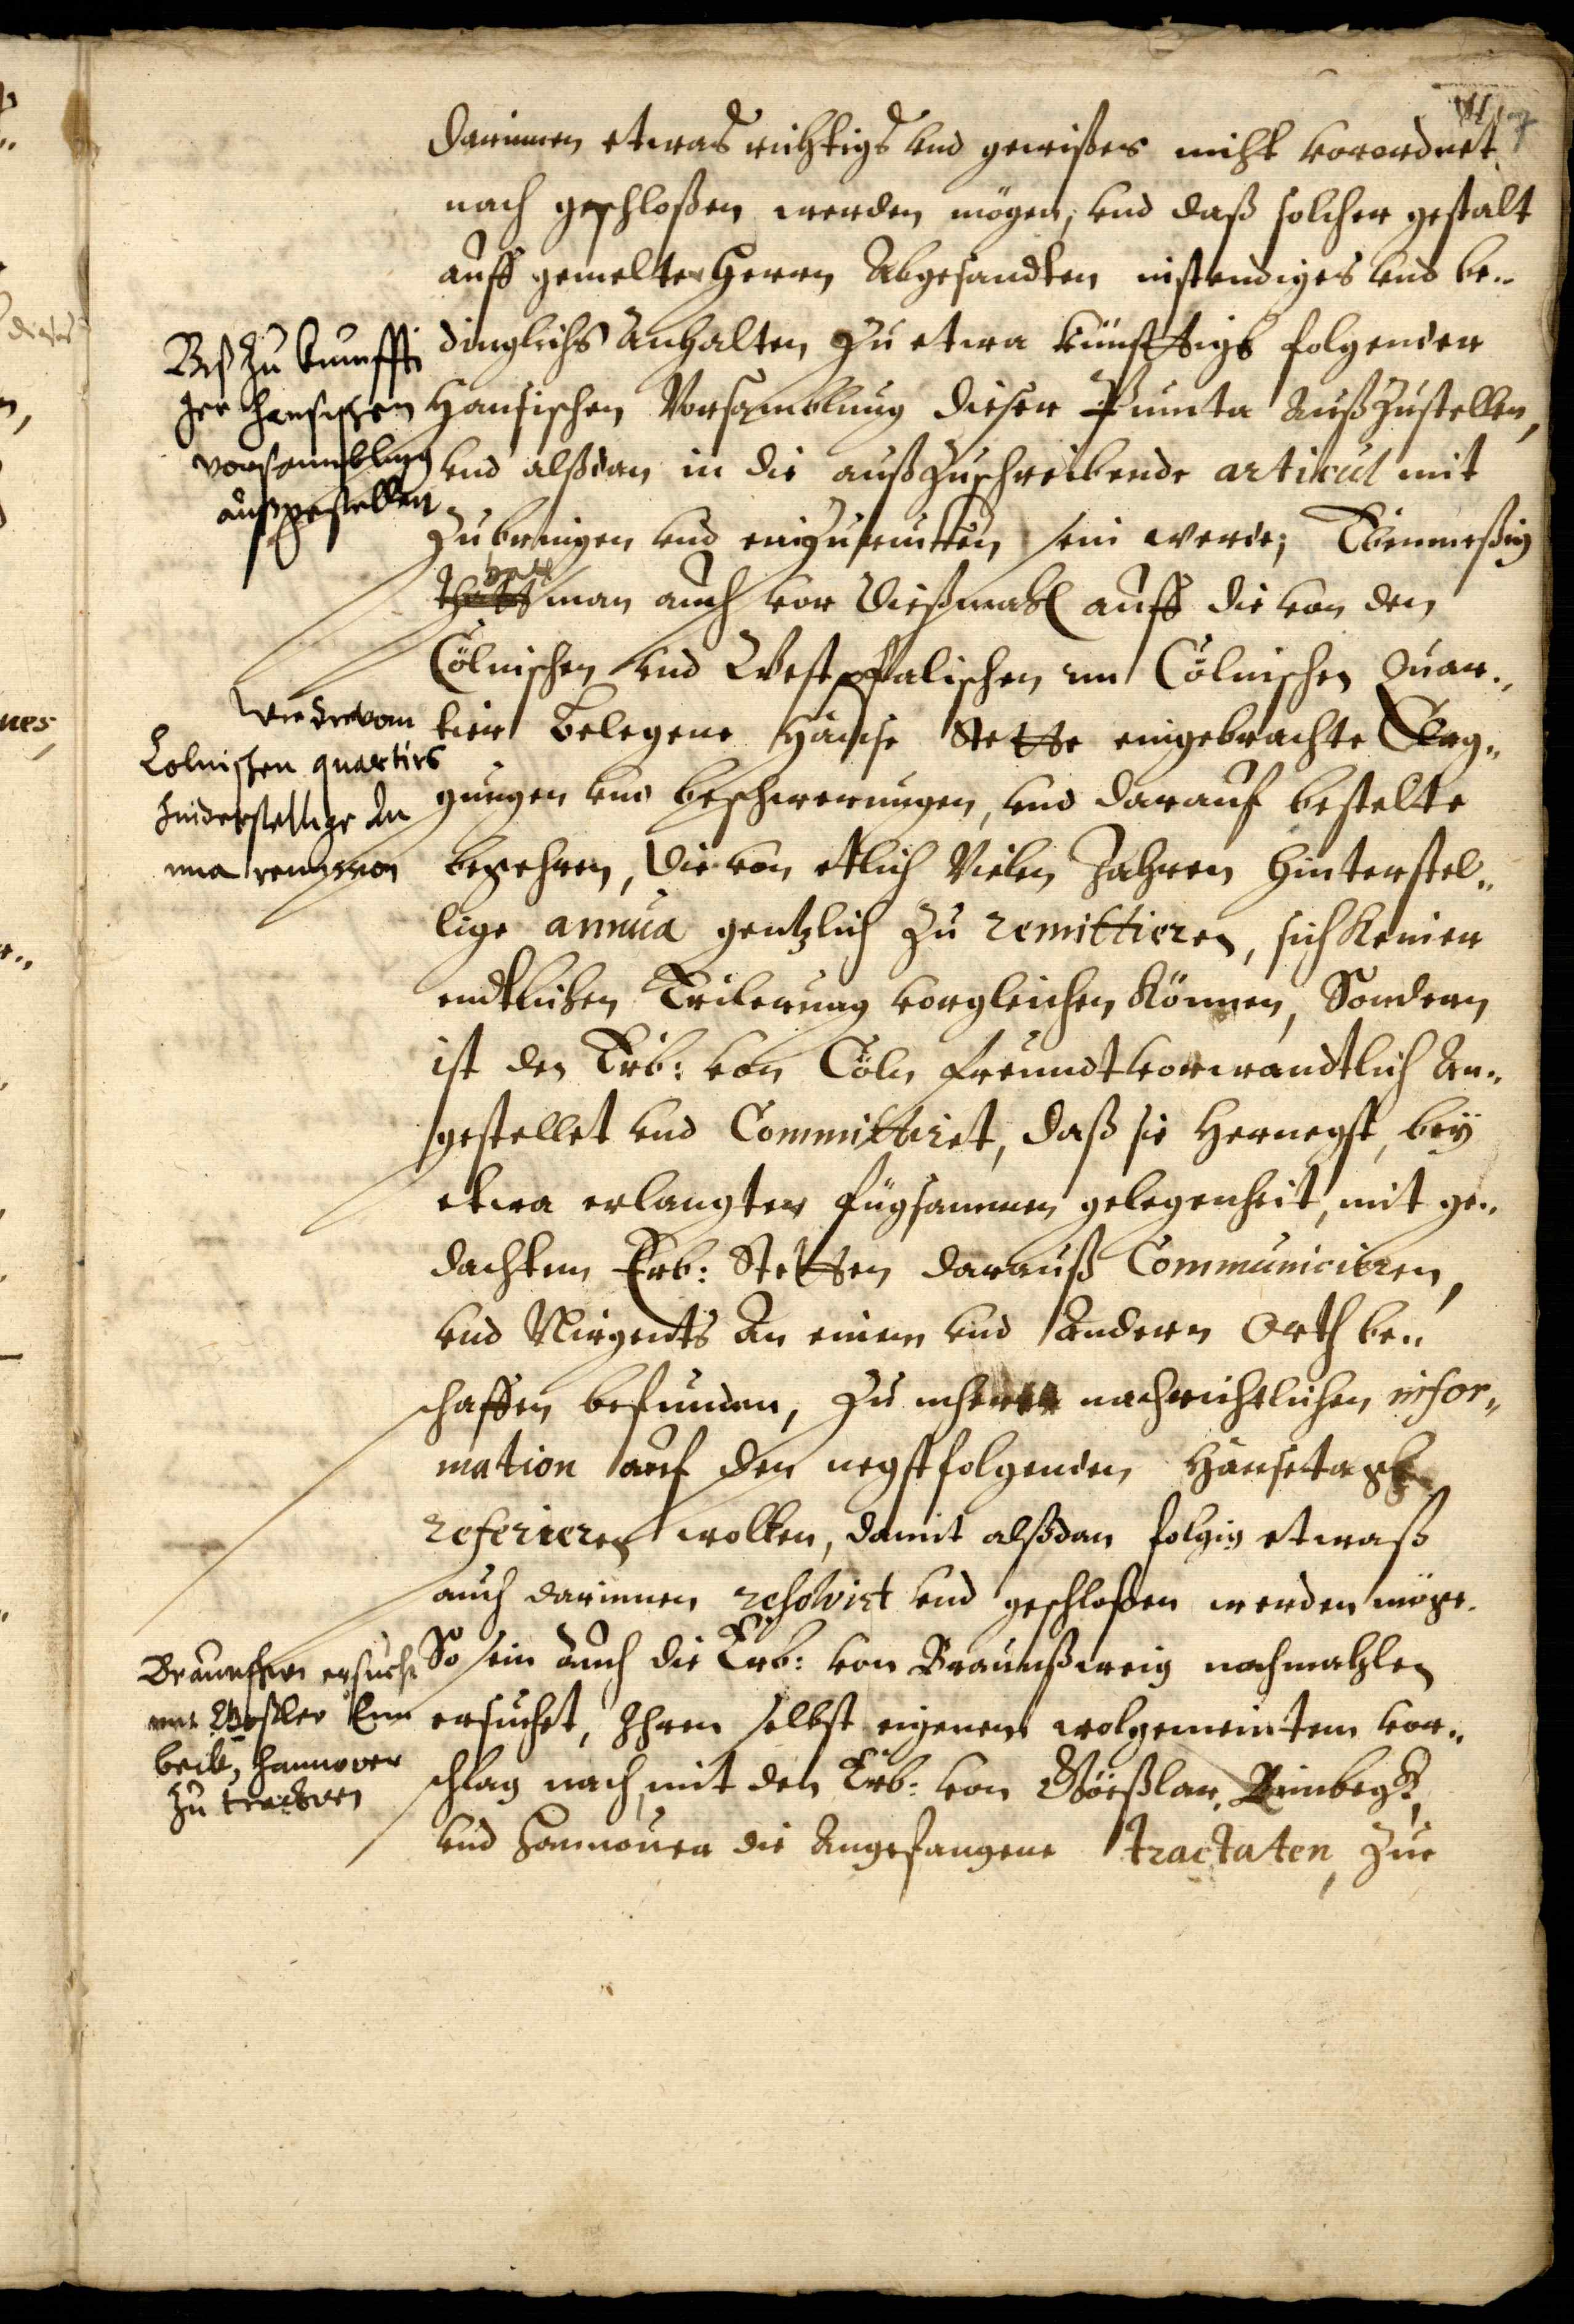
11
Biß Zu kunffti
ger hensischen
versamblung
außgestellen
Wie hirvan
Colnischen quartirs
hinderstellige An
nnareichssion
Braunschw ersuch
ent Goßler Em
beck, hannover
zu tracktern
darinnen etwas richtigs vnd gewißes nicht vorordnet,
nach geschloßen werden mögen; vnd daß solcher gestalt
auff gemelter herrn abgesandten instendiges vnd be¬
dinglichs anhalten zu etwa künfftigh folgender
Hansischen Vorsamblung dieser Puncta außzustellen,
vnd alßdan in die außzuschreibende articul mit
Zubringen vnd einzurucken sein werde; Ebenmeßig
hatt man auch vor dießmahl auff die von den
Cölnischen vnd Westpfalischen im Cölnischen Quar¬
tier belegene Hanse Stette eingebrachte Clag¬
gungen vnd beschwerungen, vnd darauf bestelte
begehren, die von etlich vielen jahren hinterstel¬
lige annua gentzlich zu remittieren, sich keiner
endtlichen Erclerung vorgleichen können, Sondern
ist den Erb: von Cöln freundtvorwandtlich an¬
gestellet vnd Committiret, daß sie hernegst, beij
etwa erlangter fügsammen gelegenheit, mit ge¬
dachtem Erb: Stetten darauß Communicieren,
vnd Nirgents an einem vnd andern orth be¬
schaffen befunden, zu mherer nachrichtlichen infor¬
mation auf den negstfolgenden Hänsetagh
referieren wolten, damit alßdan folgig etwaß
auch darinnen resolvirt vnd geschloßen werden möge.
So sein auch die Erb: von Braunßweig nochmahlen
ersuchet, ihren selbst eigenen wolgemeintem vor¬
schlag nach mit den Erb: von Göeßlar, Eimbegk,
vnd Hannover die angefangene tractaten, Zue
